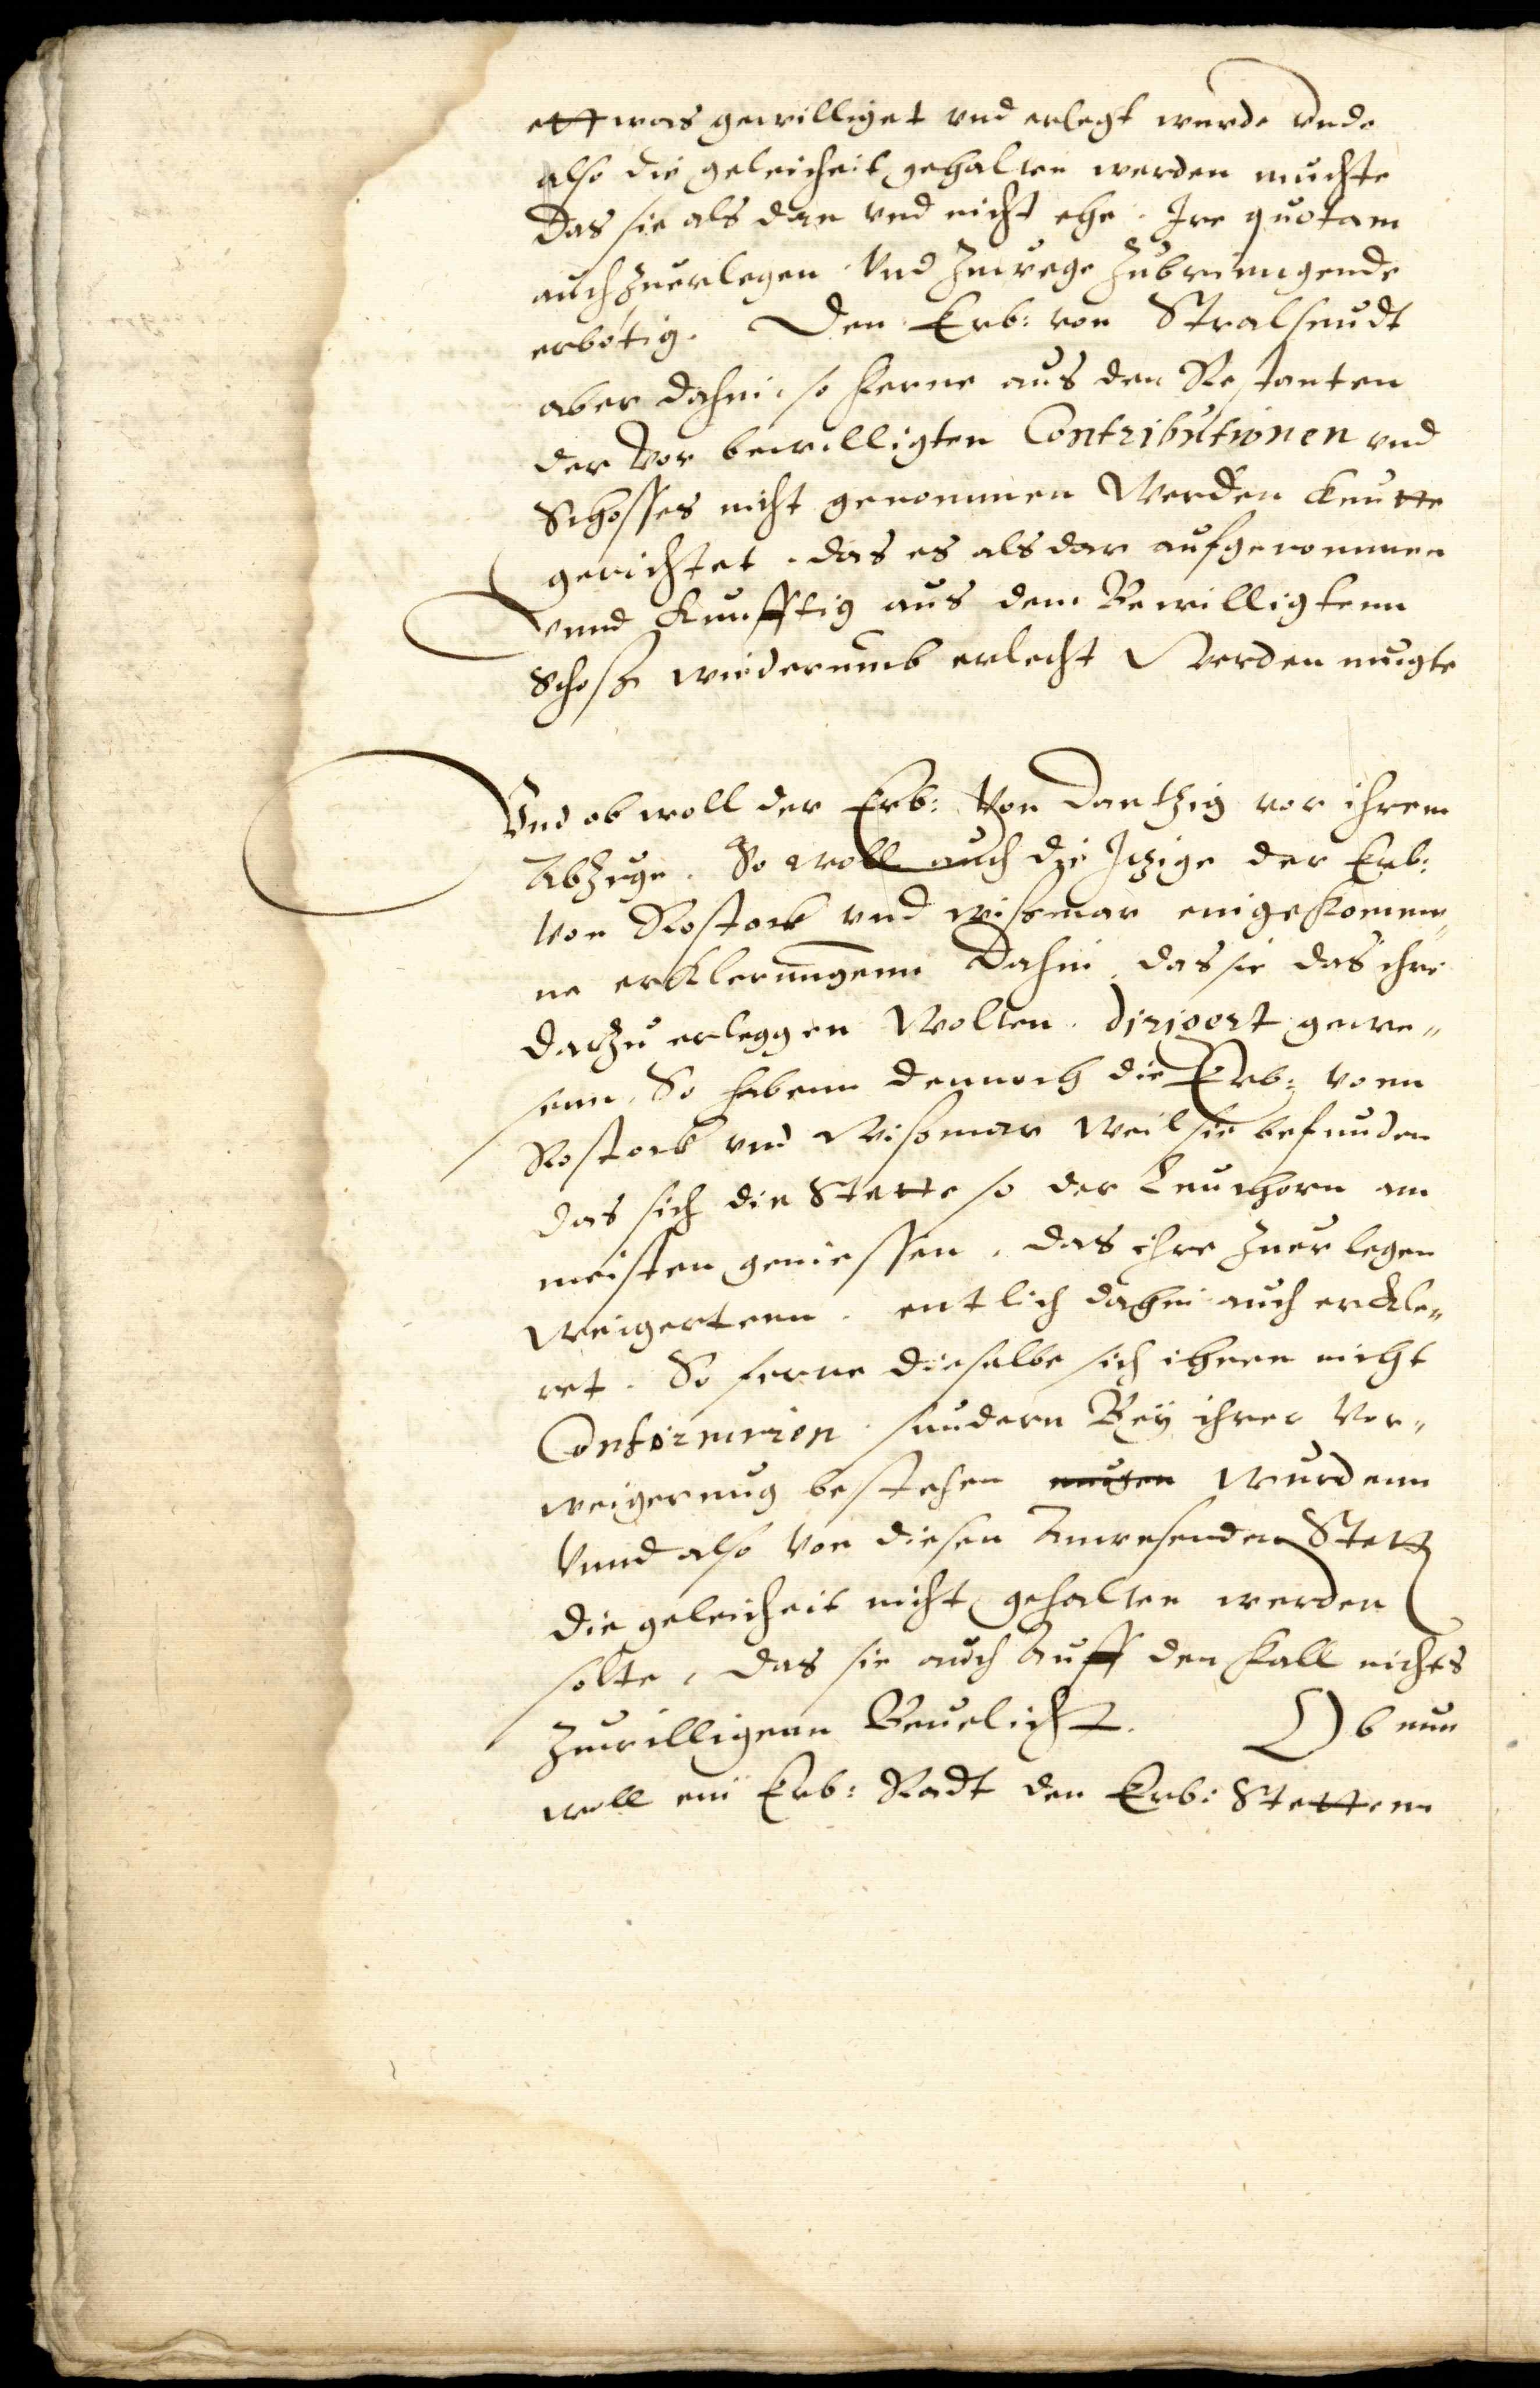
ettwas gewilliget vnd erlegt wurde vnde
also die geleicheit gehalten werden muchte
Das sie alsdan vnd nicht ehe, Ire quotam
auch zuerlegen Vnd zuwege zubringende
erbotig, Den Erb: von Stralsundt
aber dahin, so Ferne aus den Restanten
dar Vor bewilligten Contributionen vnd
Schosses nicht genommen Werden Kuntte
gerichtet, das es als dar aufgenommen
Vnnd Kunfftig aus dem Bewilligtenn
Schoß wiederumb erlecht Werden mugte
Vnd ob woll der Erb: Von Dantzig vor ihrem
Abzuge, So woll auch die Itzige der Erb:
Von Rostock vnd wißmar eingekomme¬
ne erklerungenn Dahin, das sie das ihre
darzu erleggen Wolten, dirigert gewe¬
senn, So habenn dennoch die Erb: vonn
Rostock vnd Wißmar weil sie befunden
das sich die Stette so der Cunthorn am
meisten geniessen, das ihre zuerlegen
weigertenn, entlich dahin auch erkle¬
ret, So ferne dieselbe sich ihnen nicht
Confirmiren sundern Beij ihrer Vor¬
weigerung bestehen mugen wurdenn
Vnnd also von diesen Anwesenden Stetten
die geleicheit nicht gehalten werden
solte, das sie auch Auff den Fall nichts
zuwilligenn Beuelicht. Ob nun
woll ein Erb: Radt den Erb: Stettenn
